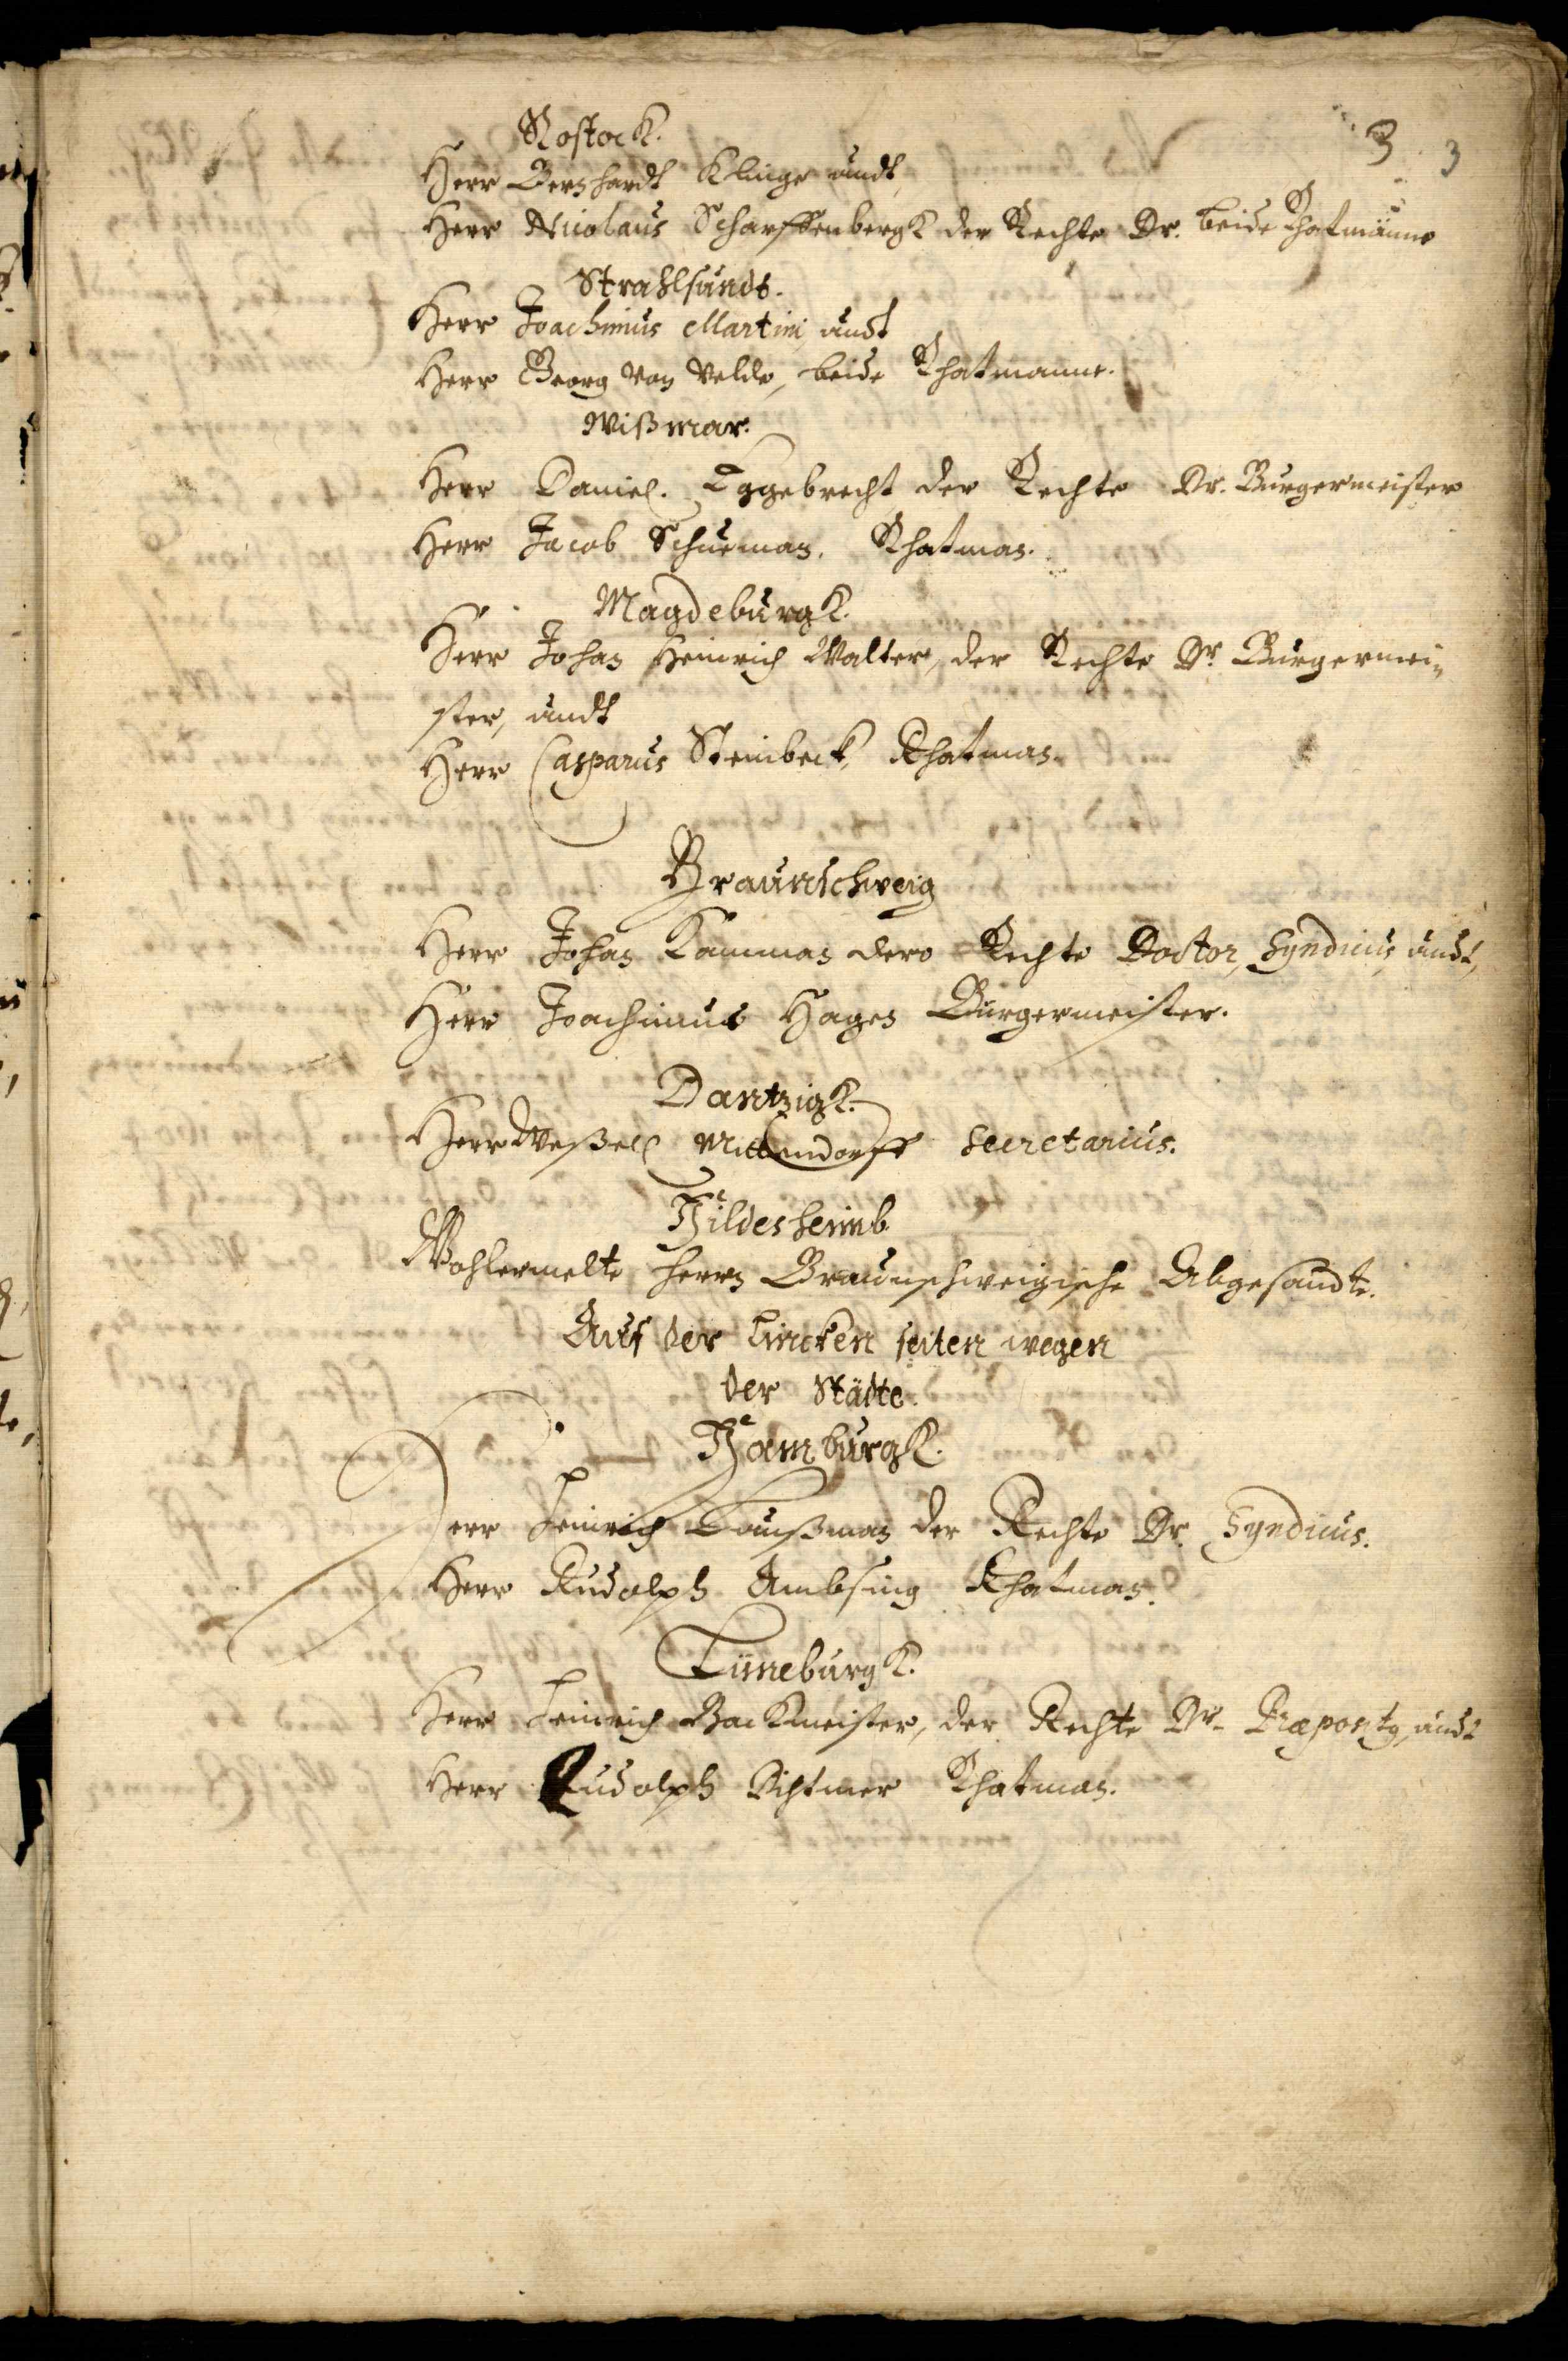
3
Rostock
Herr Bernhardt Klinge undt,
Herr Nicolaus Scharffenbergk der Rechte Dr. beide Rhatmänne
Strahlsundt.
Herr Ioachimus Martini undt
Herr Georg von Velde, beide Rhatmanne.
Wißmar.
Herr Daniel. Eggebrecht der Rechte Dr. Burgermeister
Herr Iacob Schueman, Rhatman.
Magdeburgk.
Herr Iohan Heinrich Walter, der Rechte Dr. Burgermei¬
ster, undt
Herr Casparus Steinbeck, Rhatman.
Braunschweig
Herr Iohan Kamman dero Rechte Doctor, Syndicus undt,
Herr Ioachimus Hagen Bürgermeister.
Dantzigk.
Herr Weßell Mittendorff Secretarius.
Hildesheimb.
Wohlermelte herren Braunschweigische Abgesandte.
Auf der Lincken seiten wegen
der Städte.
Hamburgk.
Herr Heinrich Laußman der Rechte Dr. Syndicus.
Herr Rudolph Ambsing Rhatman.
Lüneburgk.
Herr Heinrich Backmeister, der Rechte Dr. Praepositus, undt
Herr Rudolph Dihtmer Rhatman.
